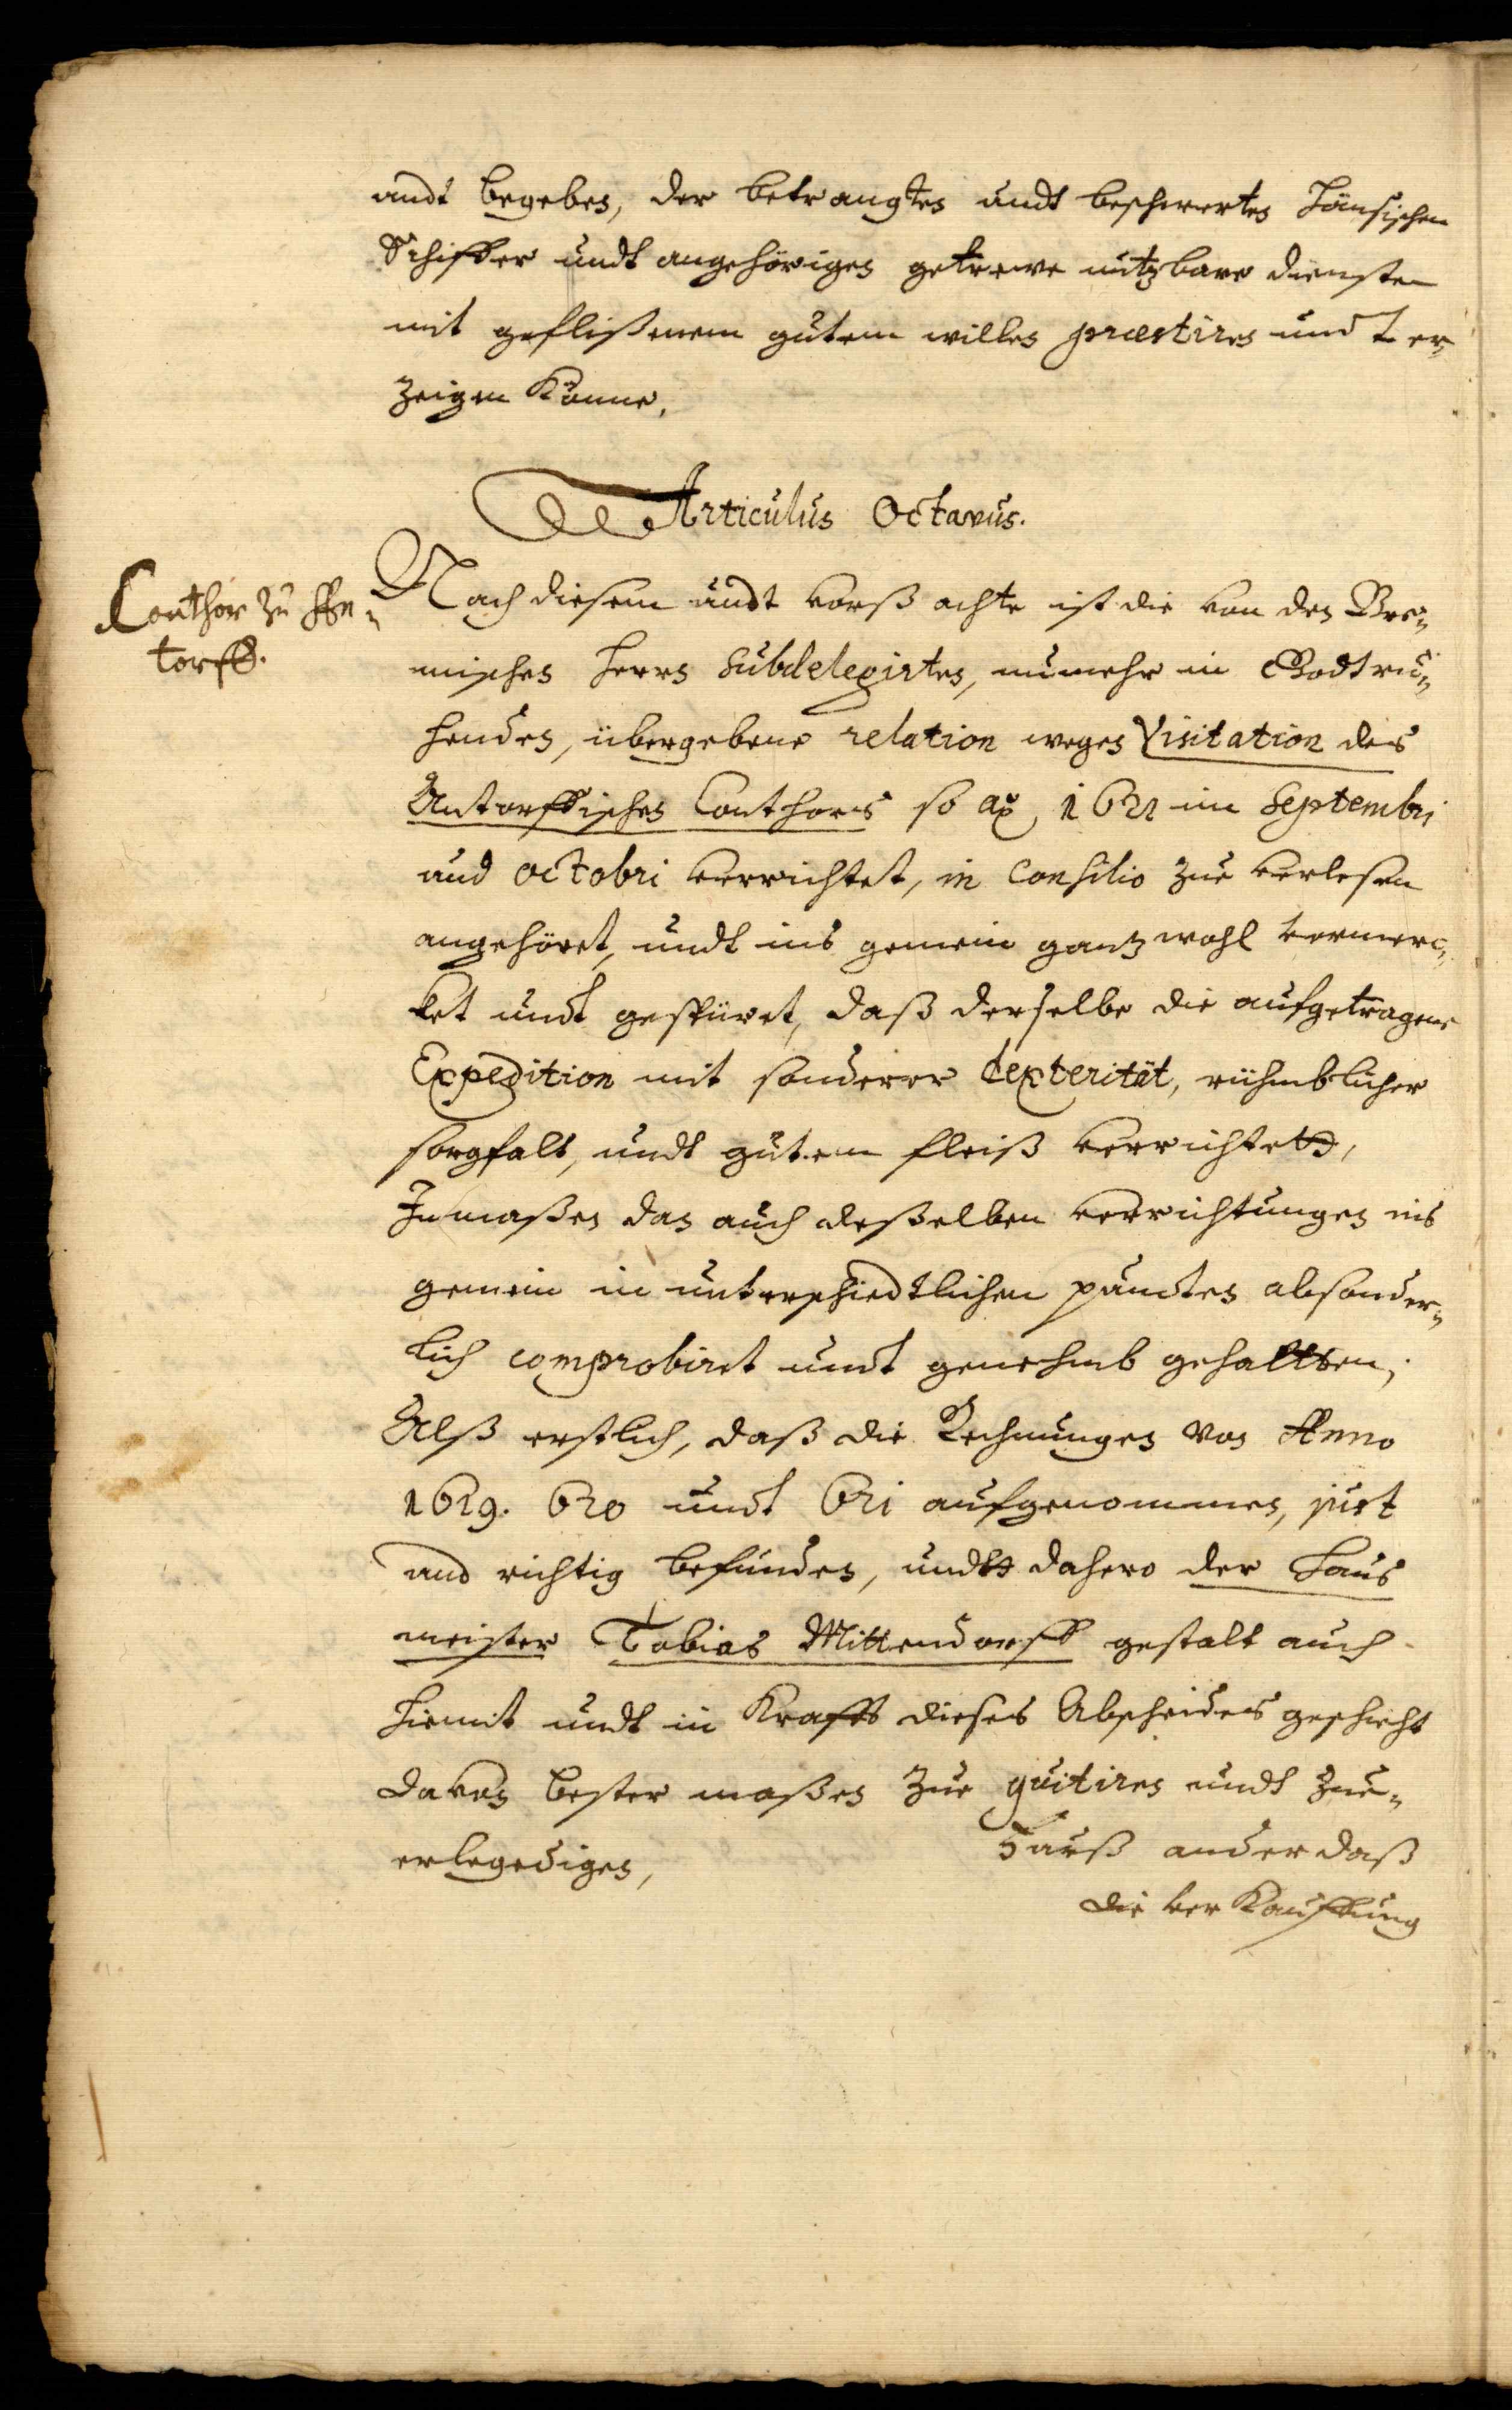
undt begeben, der betrangten undt beschwerten hänsischen
Schiffer undt angehörigen getrewe nutzbare diensten
mit geflißenem gutem willen praestiren undt er¬
zeigen könne,
Conthor Zu An¬
torff.
Articulus Octavus.
Nach diesem undt vorß achte ist die von den Bre¬
mischen herrn Subdelegirten, numehr in Godt ru¬
henden, übergebene relation wegen Visitation des
Antorffischen Conthors so Ao 1621 im Septembri
und Octobri verrichtet, in Consilio zue verlesen
angehöret, undt ins gemein gantz wohl vormerck¬
ket undt gespüret, daß derselbe die aufgetragene
Expedition mit sonderer dexteritet, rühmblicher
sorgfalt, undt gutem fleiß verrichtett,
Inmaßen dan auch deßelben verrichtungen ins
gemein in unterschiedtlichen puncten absonder¬
lich comprobiret undt genehmb gehaltten;
Alß erstlich, daß die Rechnungen von Anno
1619. 620 undt 621 aufgenommen, just
und richtig befunden, undtt dahero der haus
meister Tobias Mittendorff gestalt auch
hiemit undt in Krafft dieses Abscheides geschieht
davon bester maßen zue quitiren undt zue¬
erlegedigen, furß ander daß
die verkauffung
